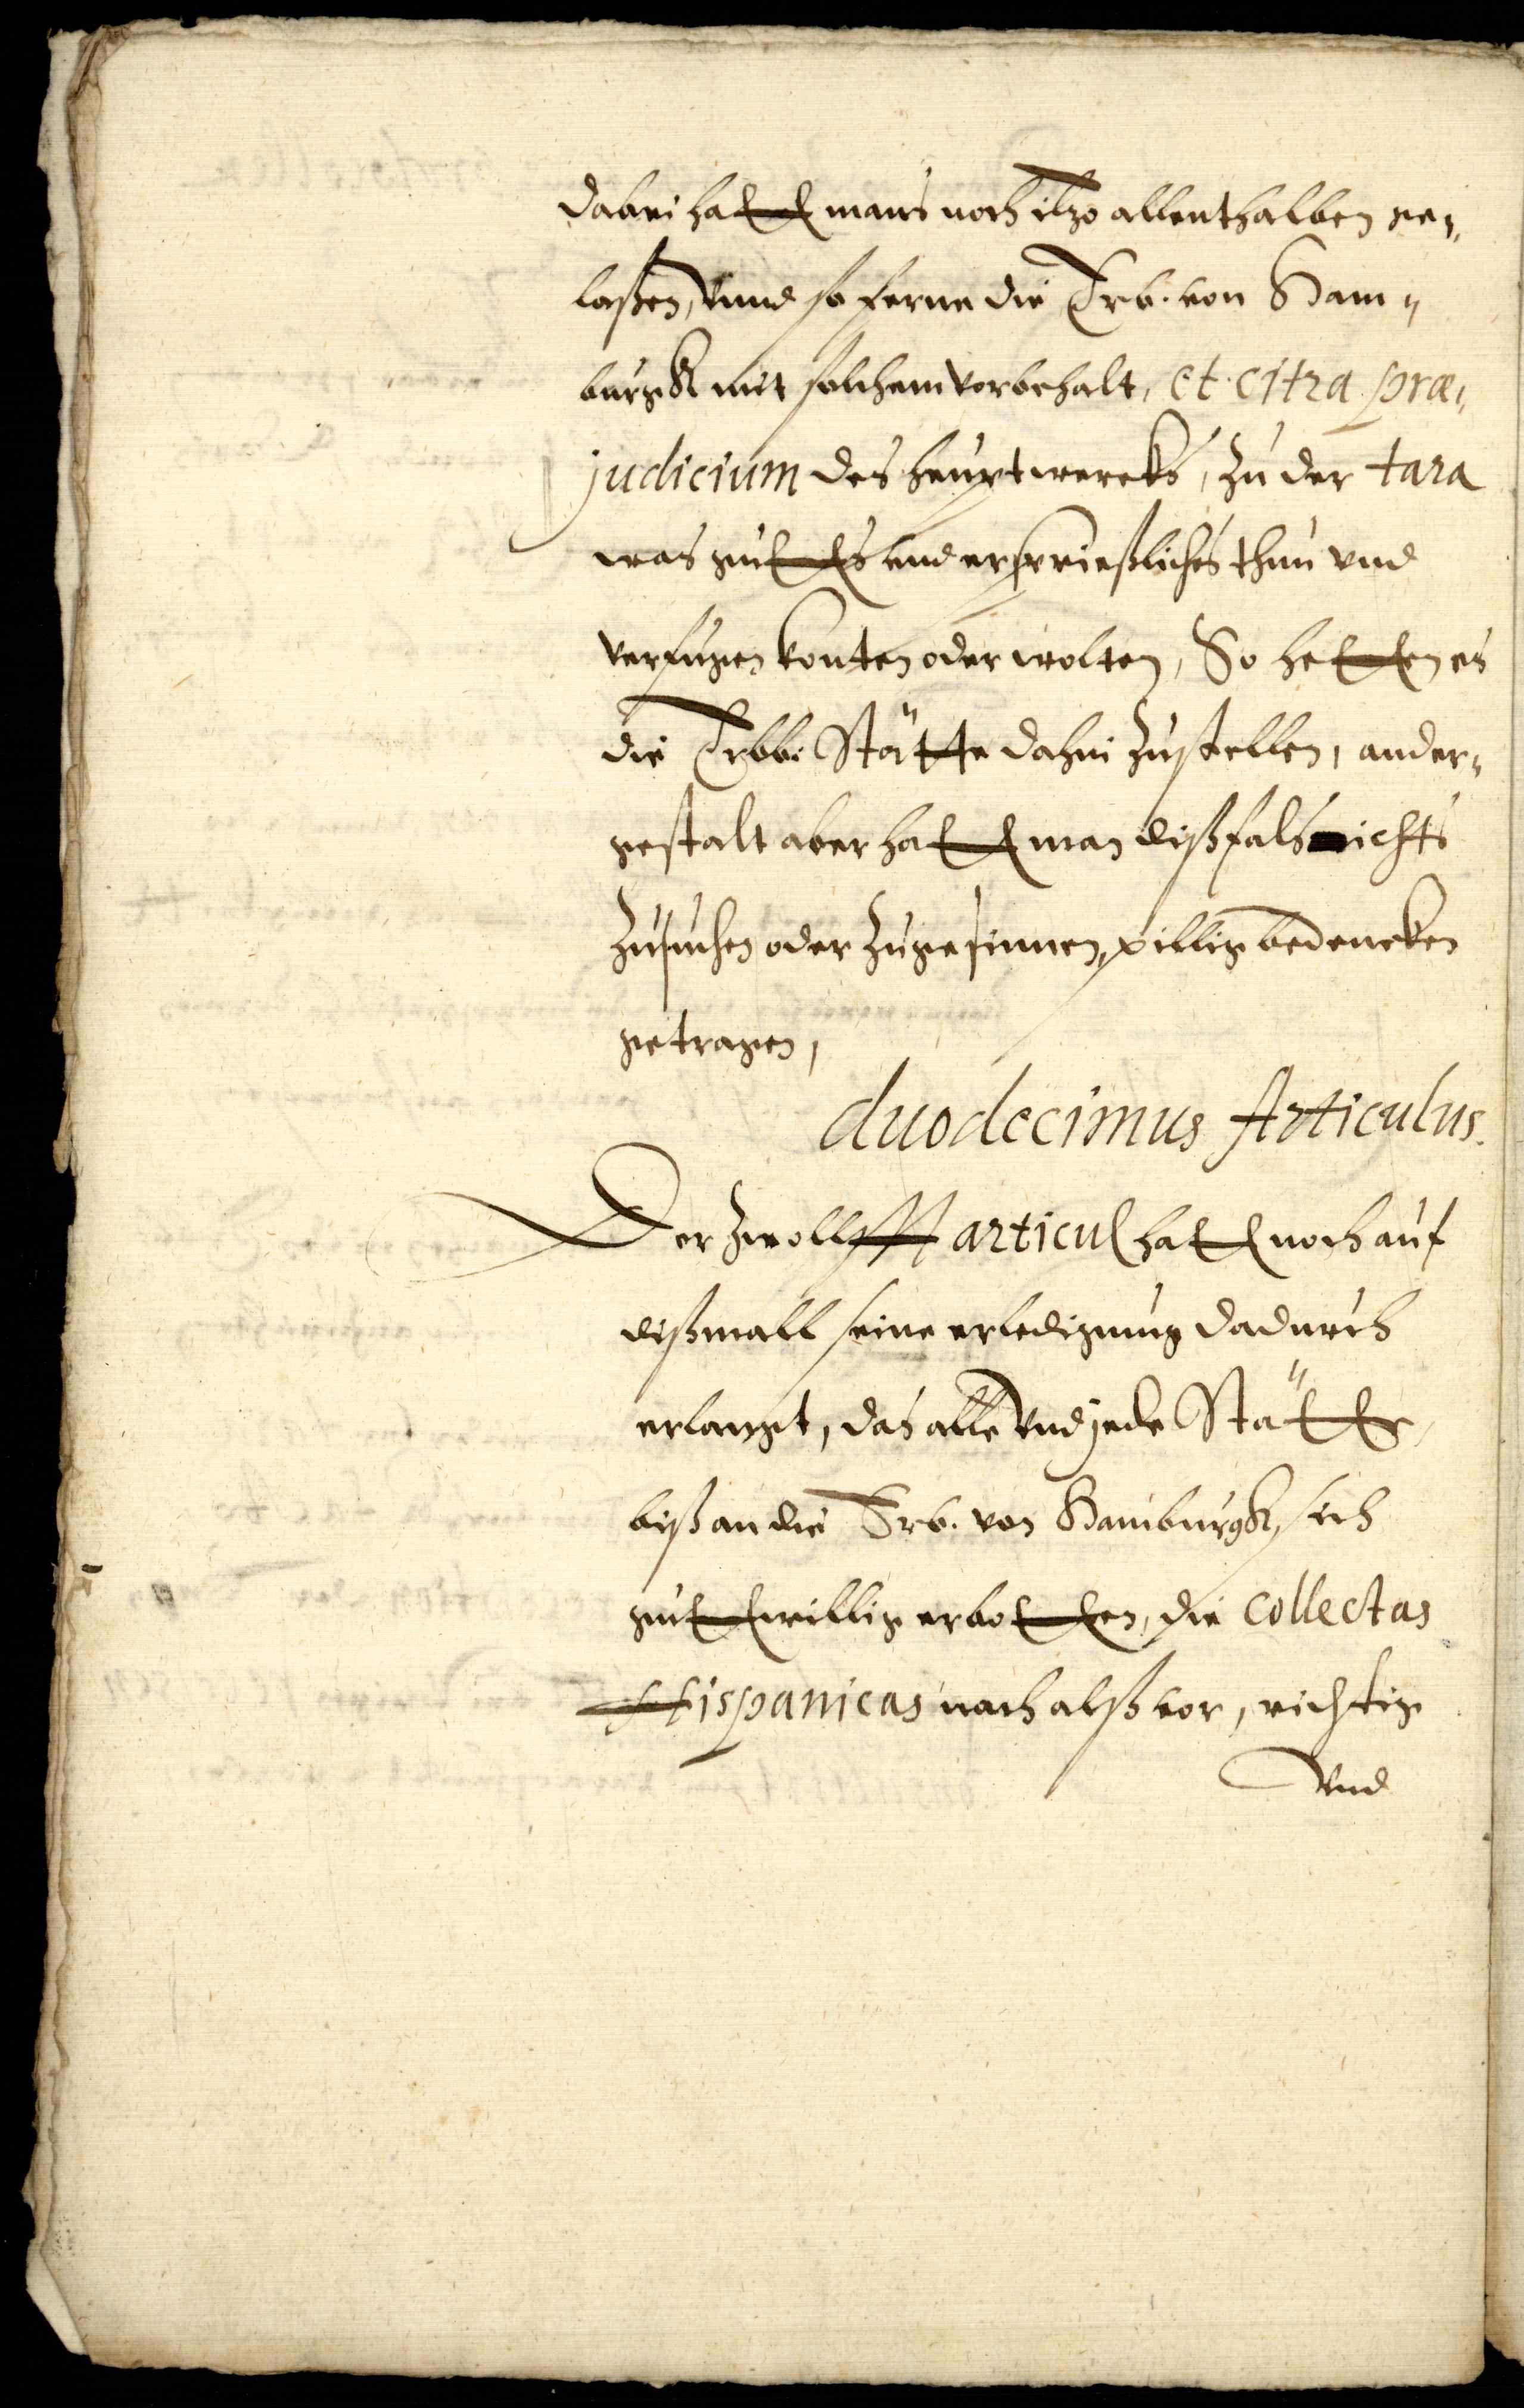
dabei hatt mans noch itzo allenthalben ge¬
laßen, vnnd so ferne die Erb. von Ham¬
burgk mit solchem vorbehalt, et citra præ¬
judicium des heuptwercks, Zu der tara
was gutts vnd ersprießliches thun vnd
verfugen konten oder wolten, So hetten es
die Erbb. Stätte dahin zu stellen, ander¬
gestalt aber hatt man dißfals nichts
Zusuchen oder Zugesinnen, pillig bedencken
getragen,
duodecimus Articulus .
Der zwollfft articul hatt noch auf
dißmall seine erledigung dadurch
erlangt, das alle Vnd jede Stätte,
biß an die Erb. von Hamburgk, sich
guttwillig erbotten, die collectas
Hispanicas nach alß vor, richtig
Vnd
